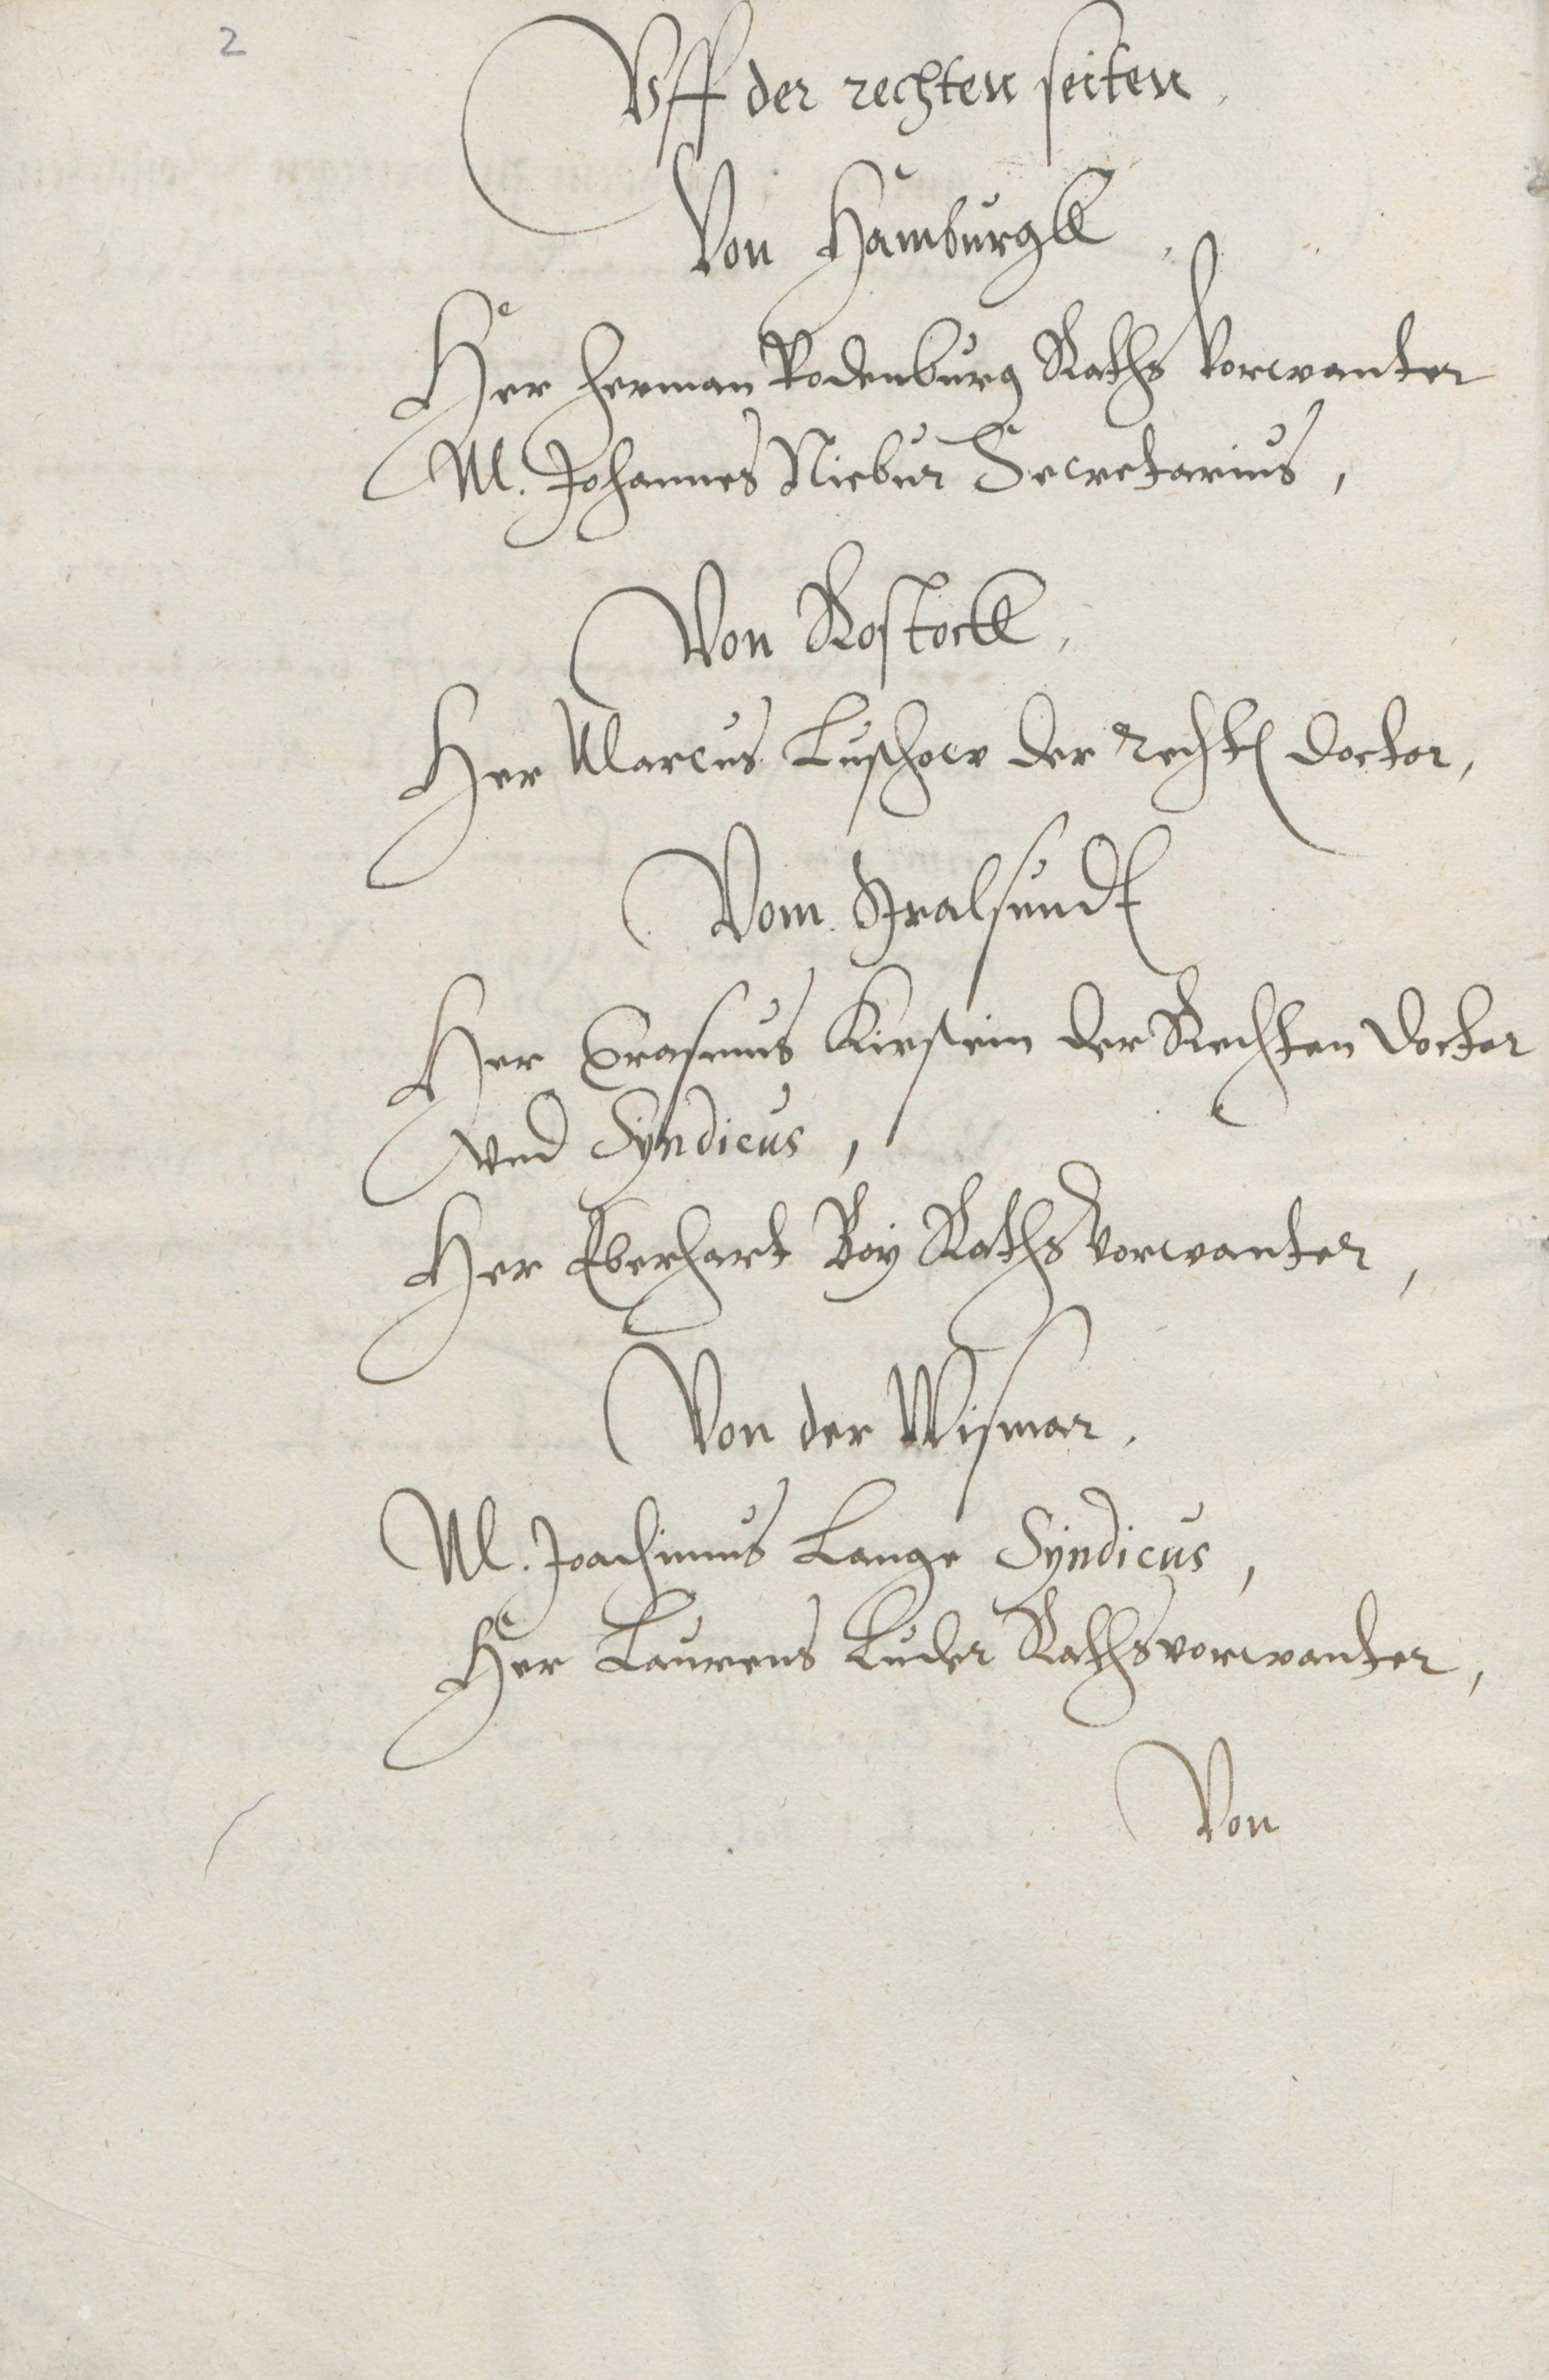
Vff der rechten seiten
Von Hamburgk
Her Herman Rodenburg Raths Vorwandter
M. Johannes Niebur Secretarius,
Von Rostock,
Her Marcus Luschow der rechten doctor,
Vom Stralsundt
Her Erasmus Kirstein der Rechten doctor
vnd Syndicus,
Her Eberhart Boy Rathsvorwanter,
Von der Wismar,
M. Joachimus Lange Syndicus,
Her Laurens Luder Rathsvorwanter
Von
